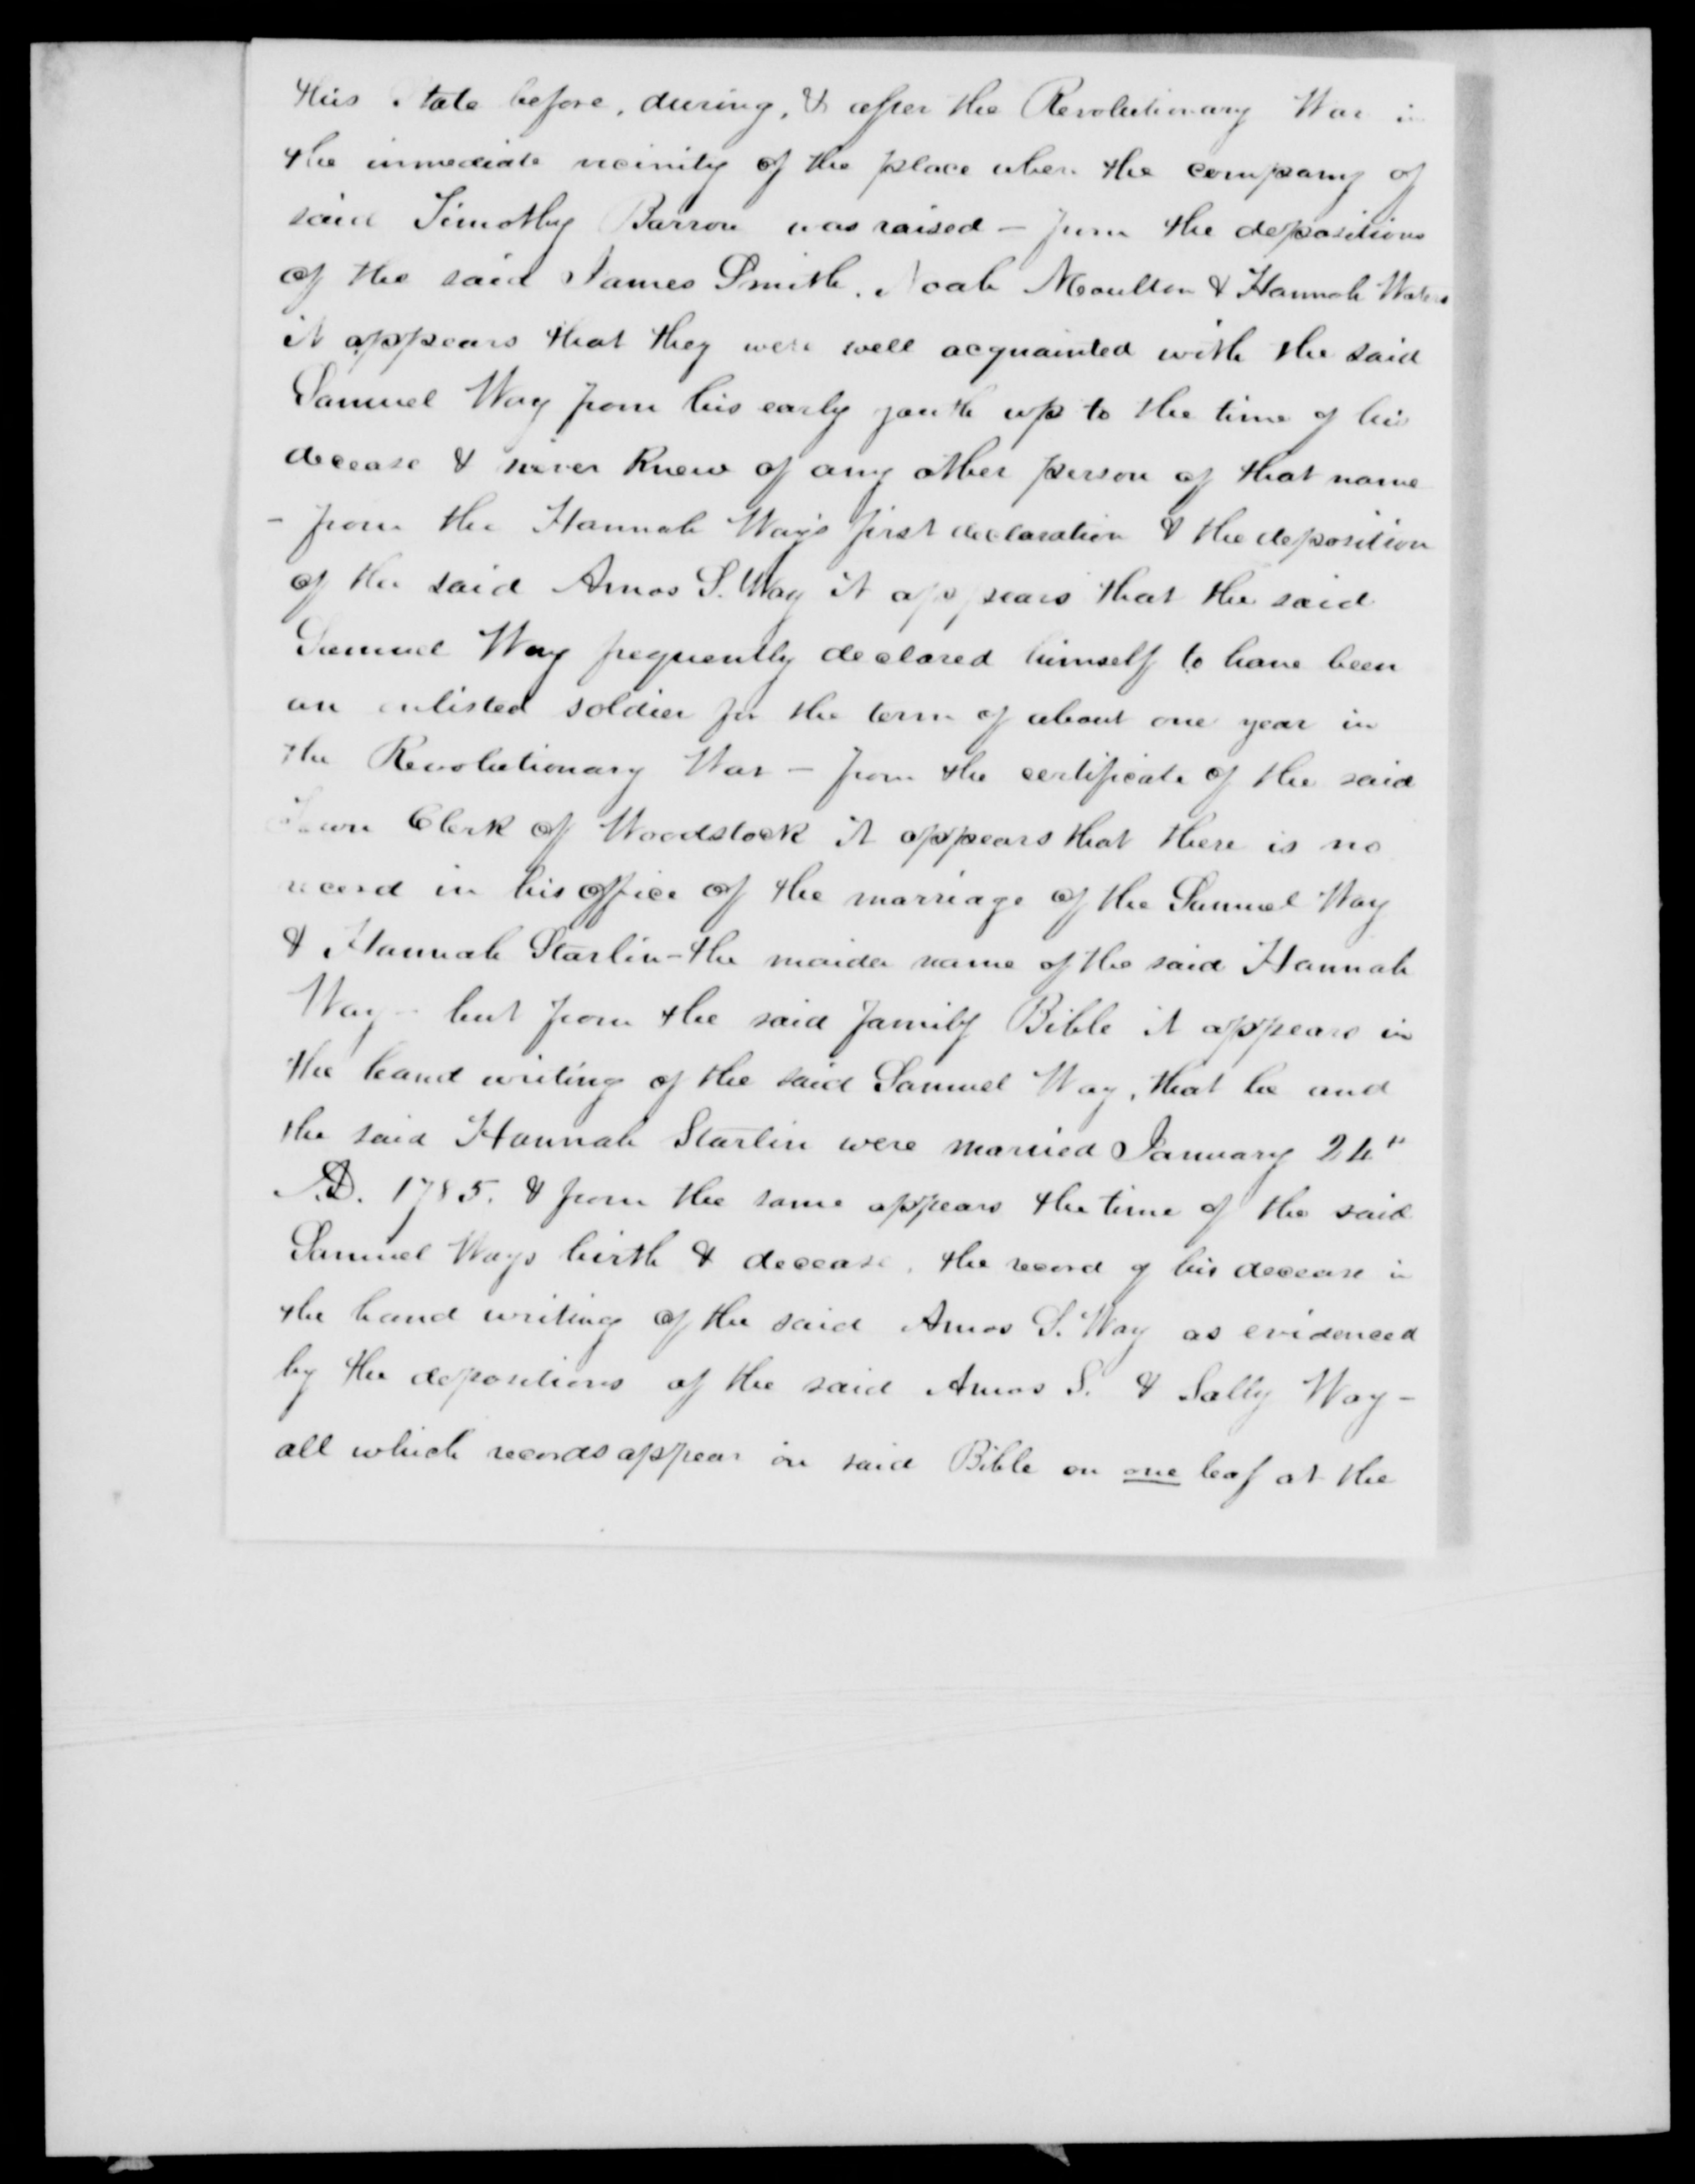this State before during, & after the Revolutionary War in
the immediate vicinity of the place where the company of
said Timothy Barron was raised from the depositions
of the said James Smith, Noah Moulton & Hannah Waters

it appears that they were well acquainted with the said
Samuel Way from his early youth up to the time of his
decease & never knew of any other person of that name
from the Hannah Way's first declaration & the deposition
of the said Amos S. May it appears that the said
Samuel Way frequently declared himself to have been
an enlisted soldier for the term of about one year in
the Revolutionary War from the certificate of the said
Town Clerk of Woodstock it appears that there is no
record in his office of the marriage of the Samuel Way
& Hannah Starlin the maiden name of the said Hannah
Way but from the said family Bible it appears in
the hand writing of the said Samuel Way, that he and
the said Hannah Starlin were married January 24th
A.D. 1785. & from the same appears the time of the said
Samuel Ways birth & decease, the record of his decease in
the hand writing of the said Amos S. Way as evidenced
by the depositions of the said Amos S. & Sally Way
all which records appear in said Bible on one leaf at the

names: Noah Moulton, Timothy Barron, James Smith, Hannah Waters, Hannah Starlin, Sally Way, Hannah Way, Amos S Way, Samuel Way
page: 38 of 78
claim: widow's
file: W. 25856, Samuel Way, N.H.